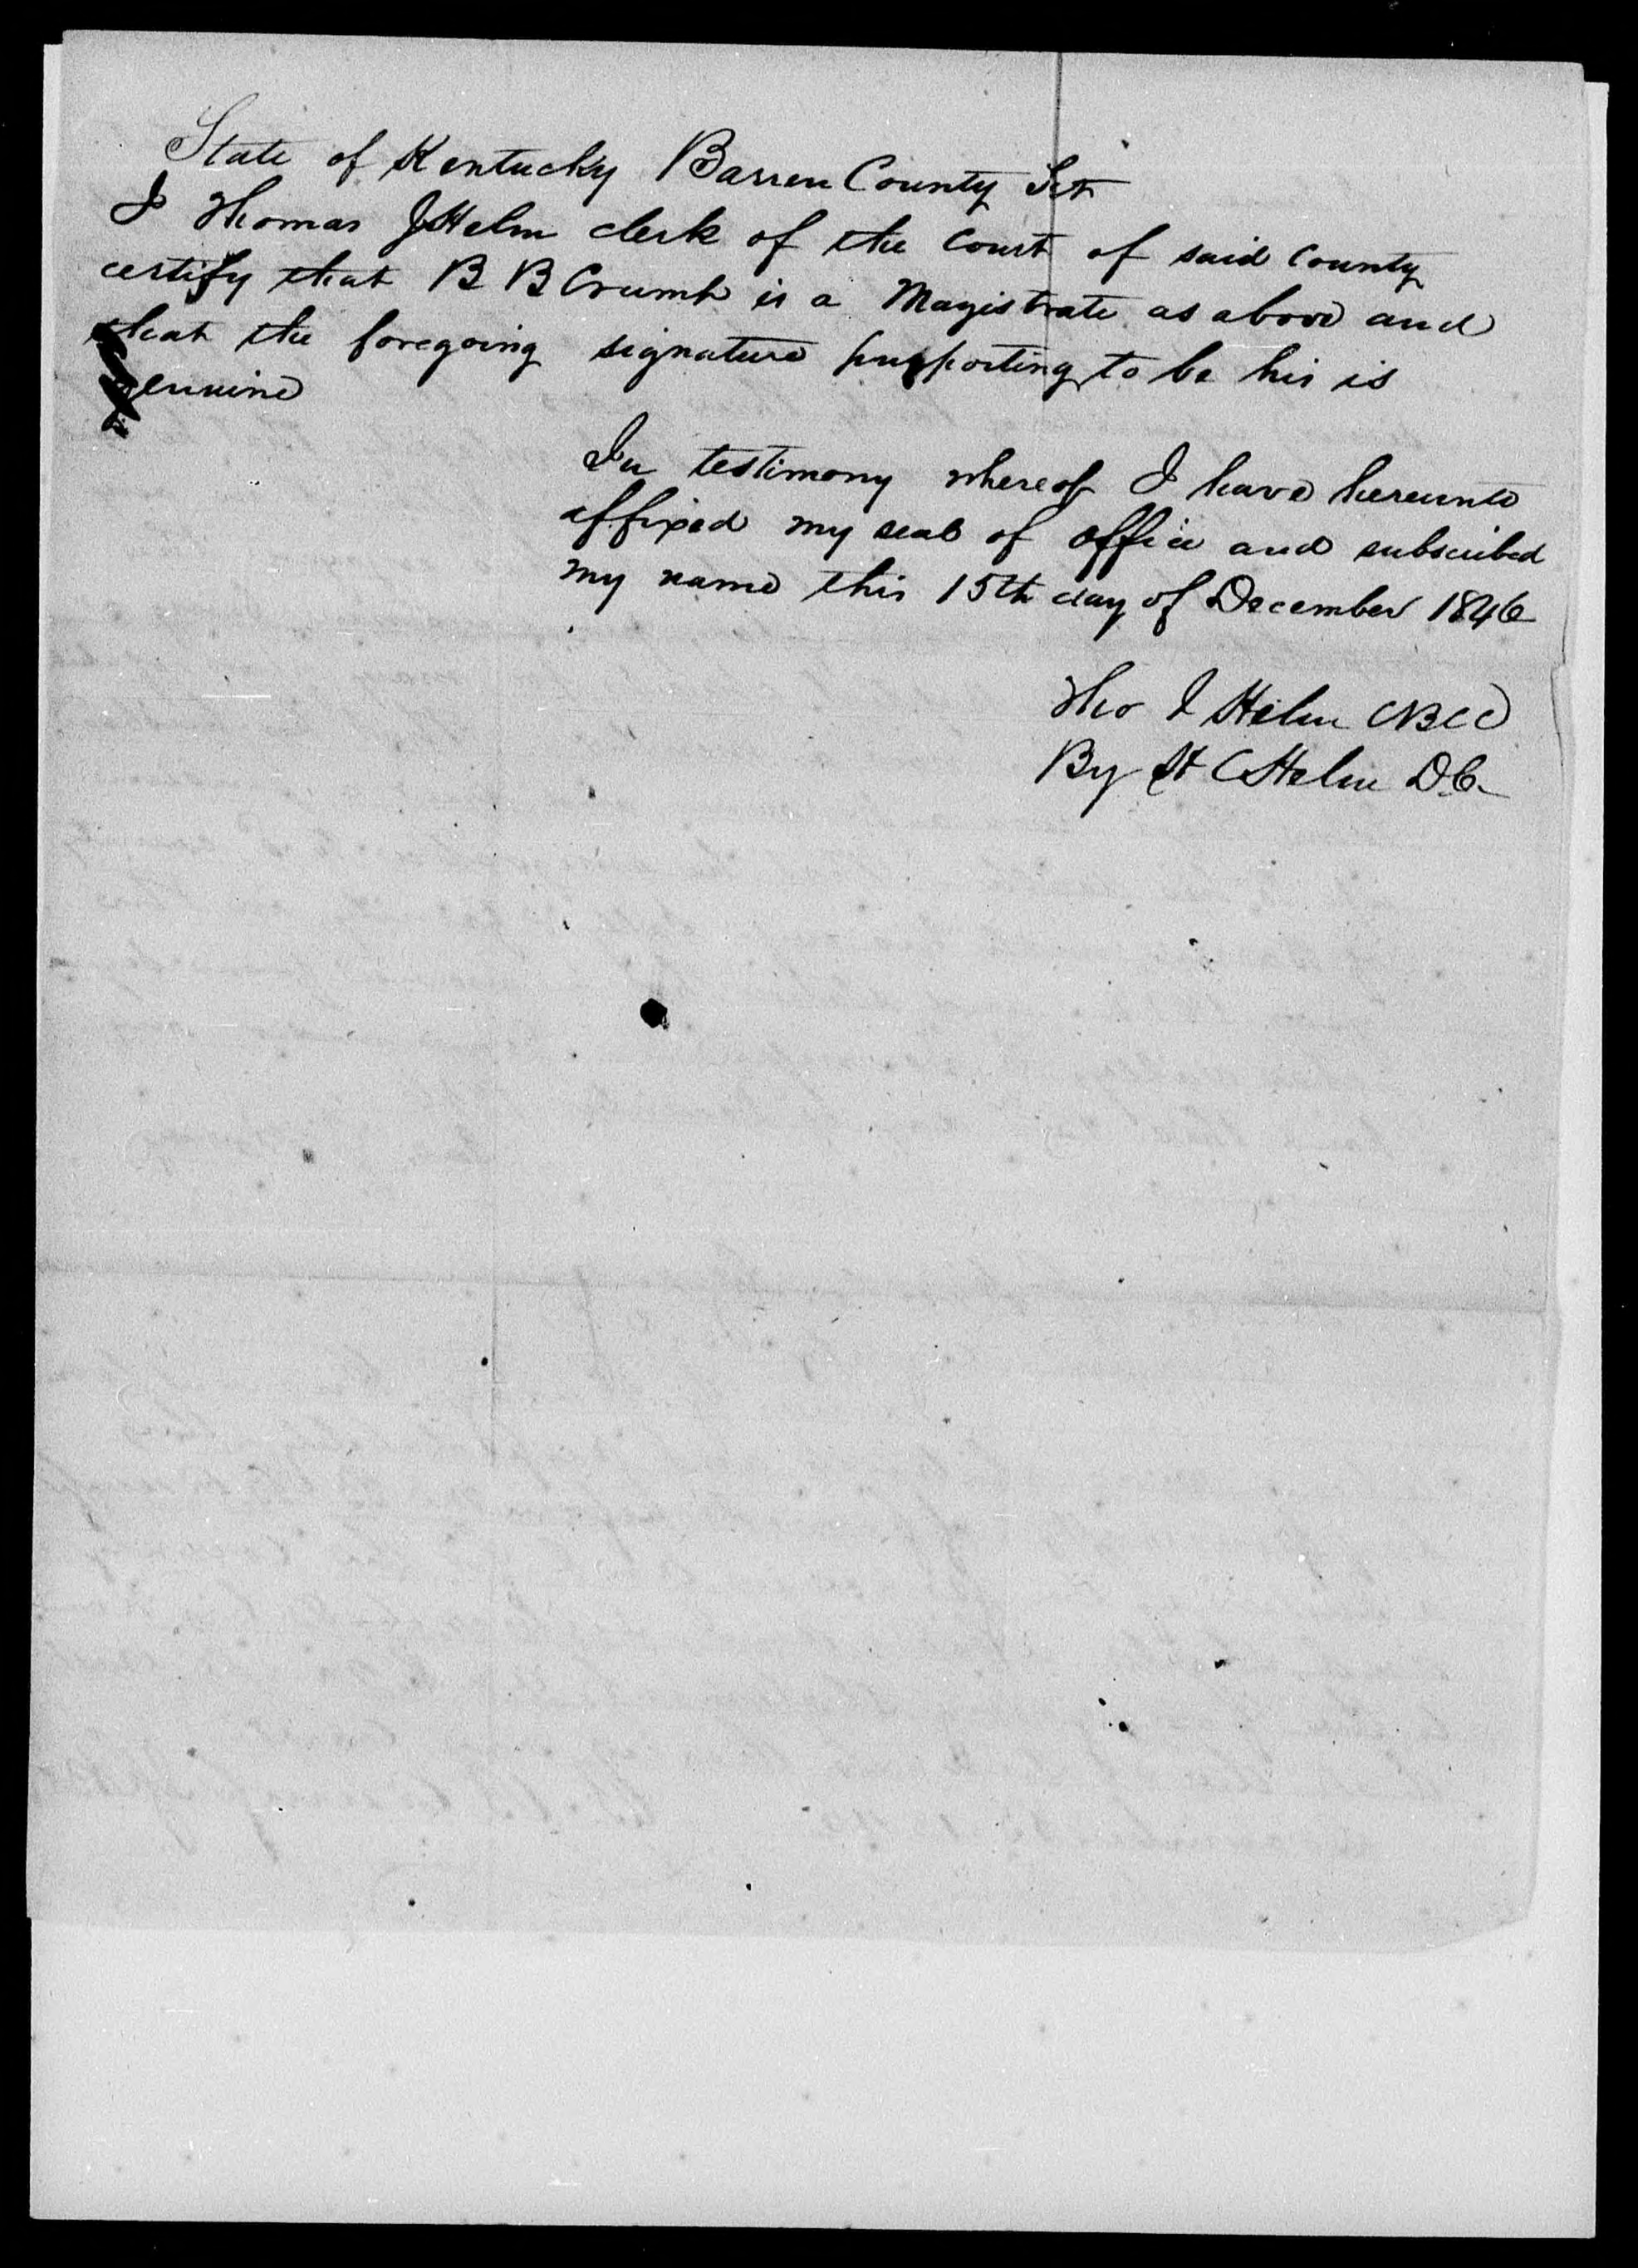State of Kentucky Barren County Kty
I Thomas J Helm Clerk of the Court of said County certify that B B Crump is a Magistrate as above and that the foregoing signature purporting to be his is genuine
In testimony whereof I have hereunto
affixed my seal of office and subscribed
my name this 15th day of December 1846

Tho J  Helen BCC
By St Helen D.C.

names: Tho J Helm, Thomas J Helm, B B Crump, H C Helm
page: 48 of 58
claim: widow's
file: W. 8932, John Hiser, Penn.